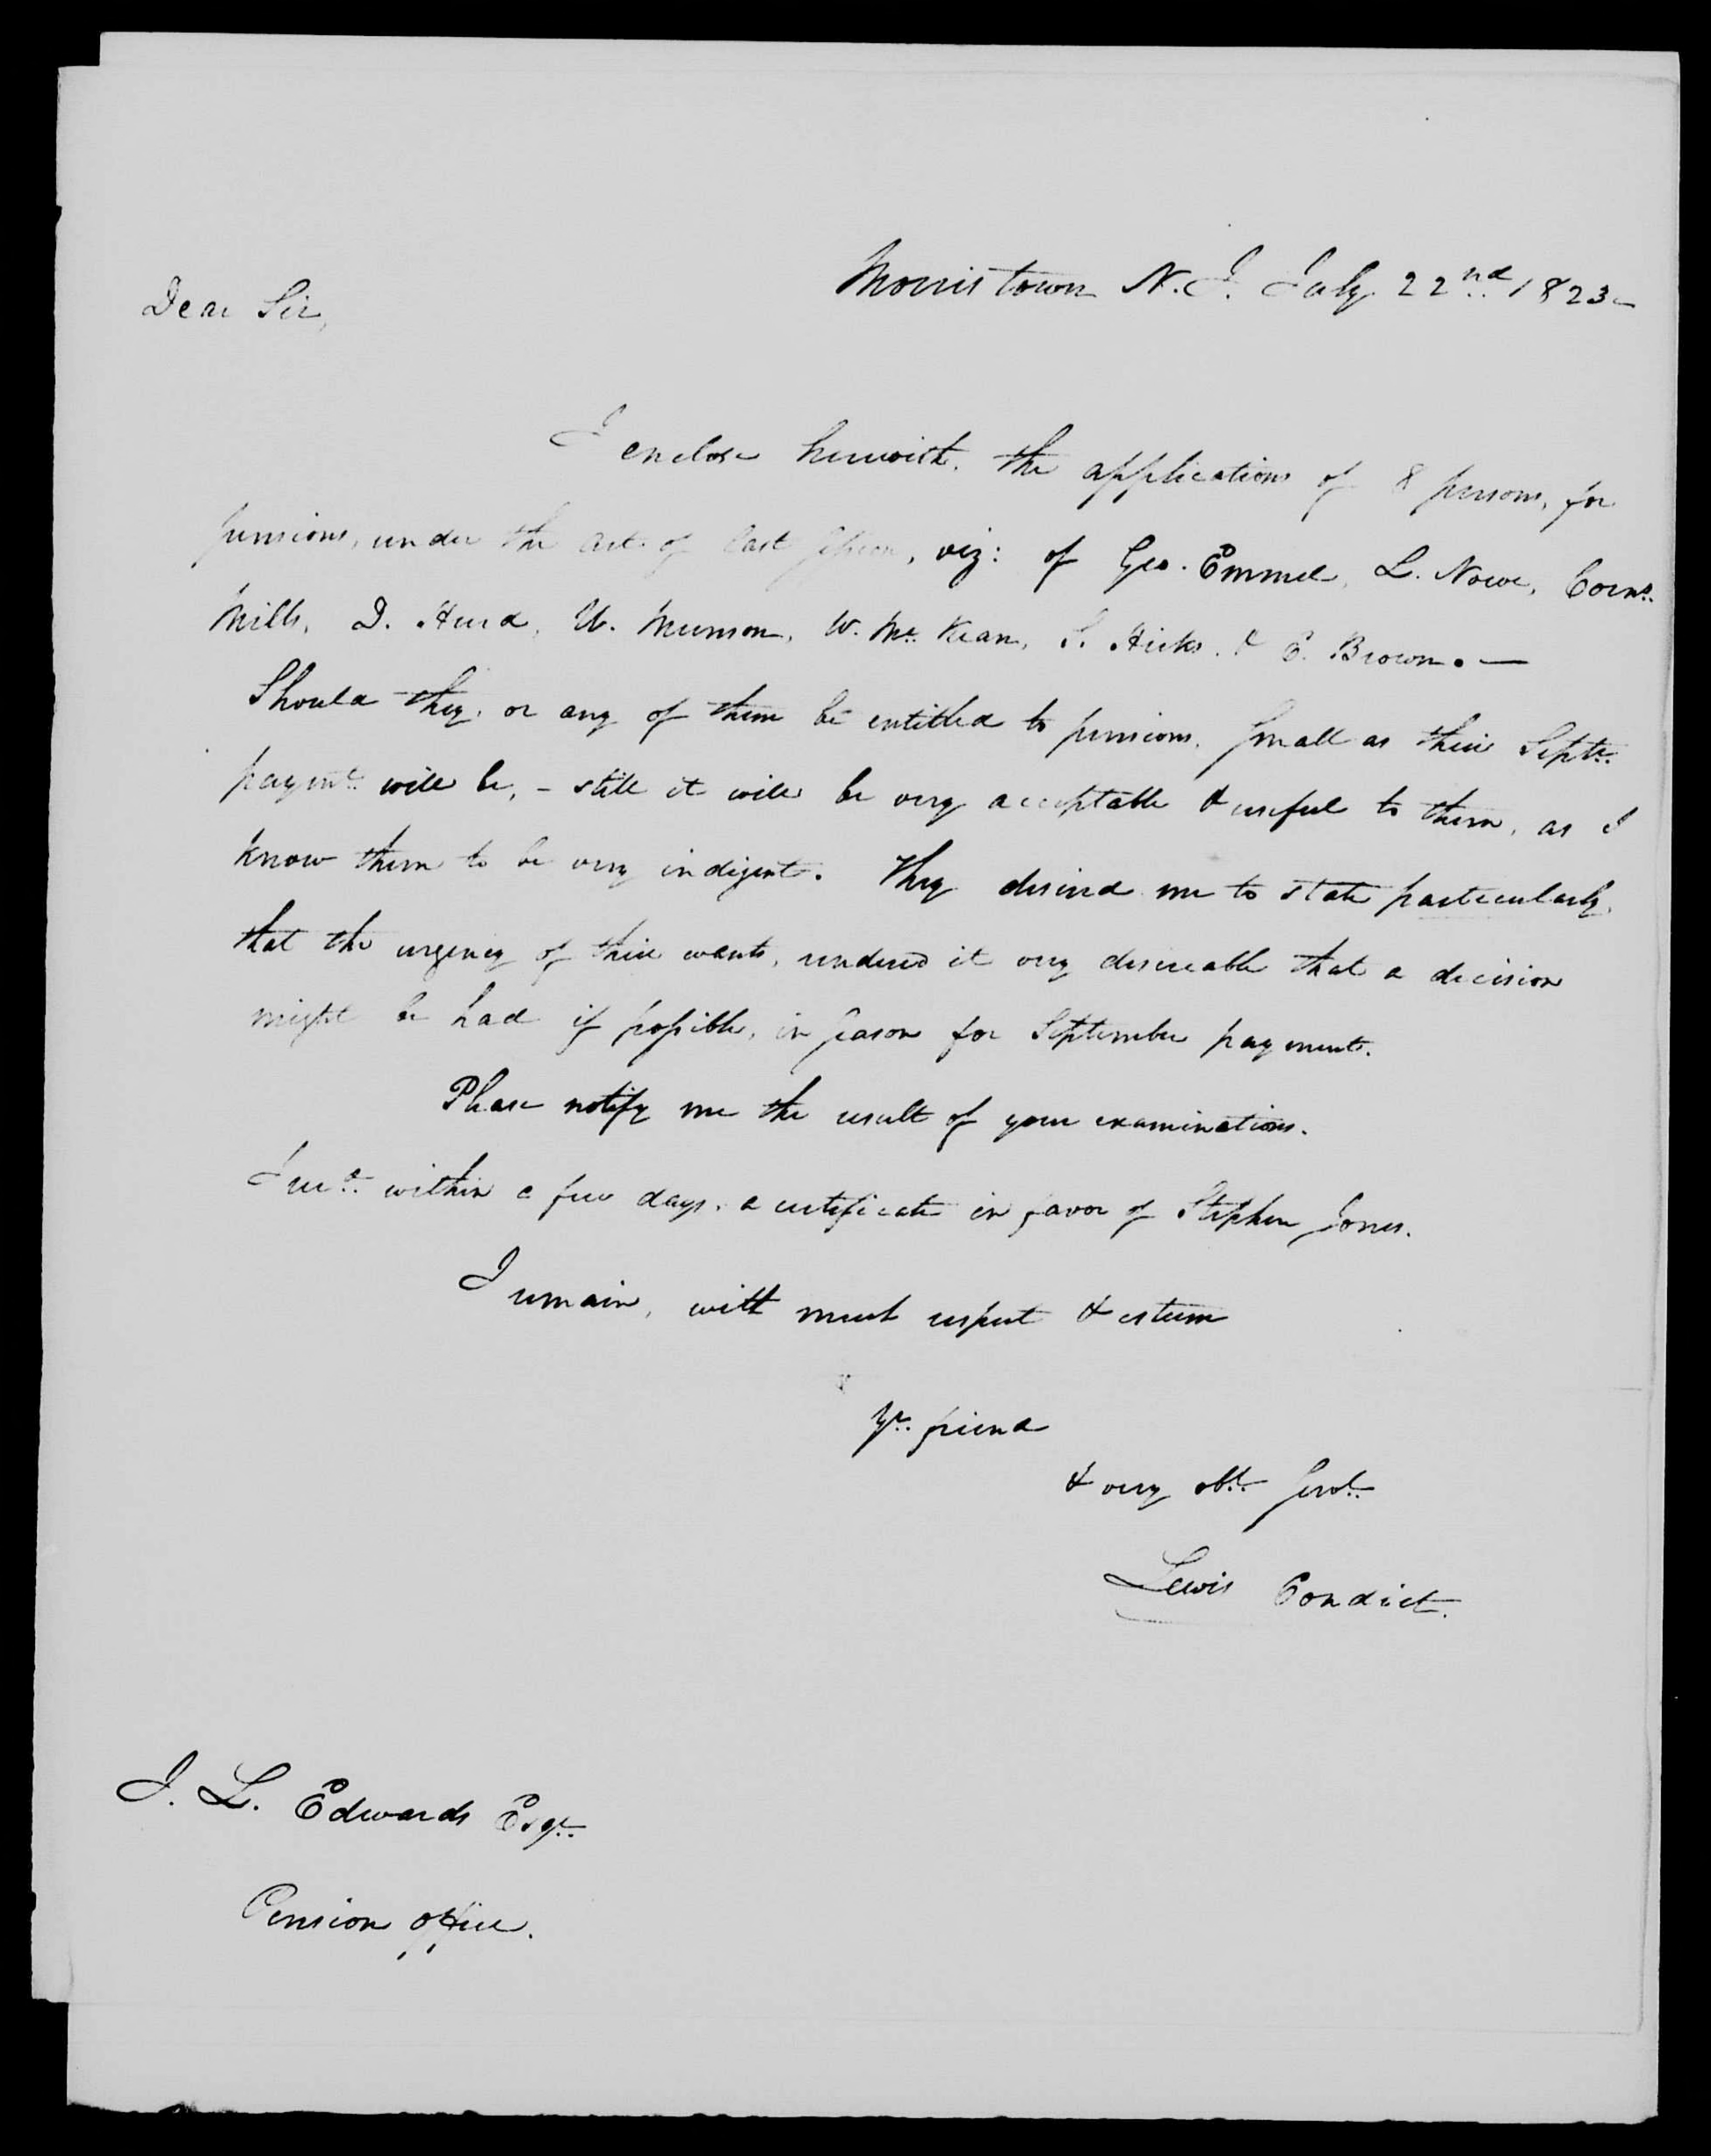Morristown N.J. July 22d 1823 -

Dear Sir,

I enclose herewith the applications of 8 persons, for pensions under the act of last session, viz: of Geo. Emmel, L. Nowe, Corns.
Mills, J. Hurd, W. Munson, W. McKean, S. Hicks, & E. Brown.-

Should they or any of them be entitled to pensions, small as their Septr. paymts. will be,- still it will be very acceptable & useful to them, as I know them to be in indigent. They desired me to state particularly that the urgency of there wants, rendered it very desirable that a decision might be had if possible, in season for September payment.

Please notify me the result of your examination.
&I rect. within a few days, a certificate in favor of Stephen Jones.

I remain, with much respect & esteem

Yr. friend & very obt Servt
Lewis Condict

J.L. Edwards Esq
Pension office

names: Lewis Condict, Geo Emmel, Stephen Jones, J L Edwards, W Mc Kean, E Brown, Corns Mills, S Hicks, W Munson, L Nowe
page: 18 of 27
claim: survivor's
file: S. 34,094, Ezra Brown, New Jersey